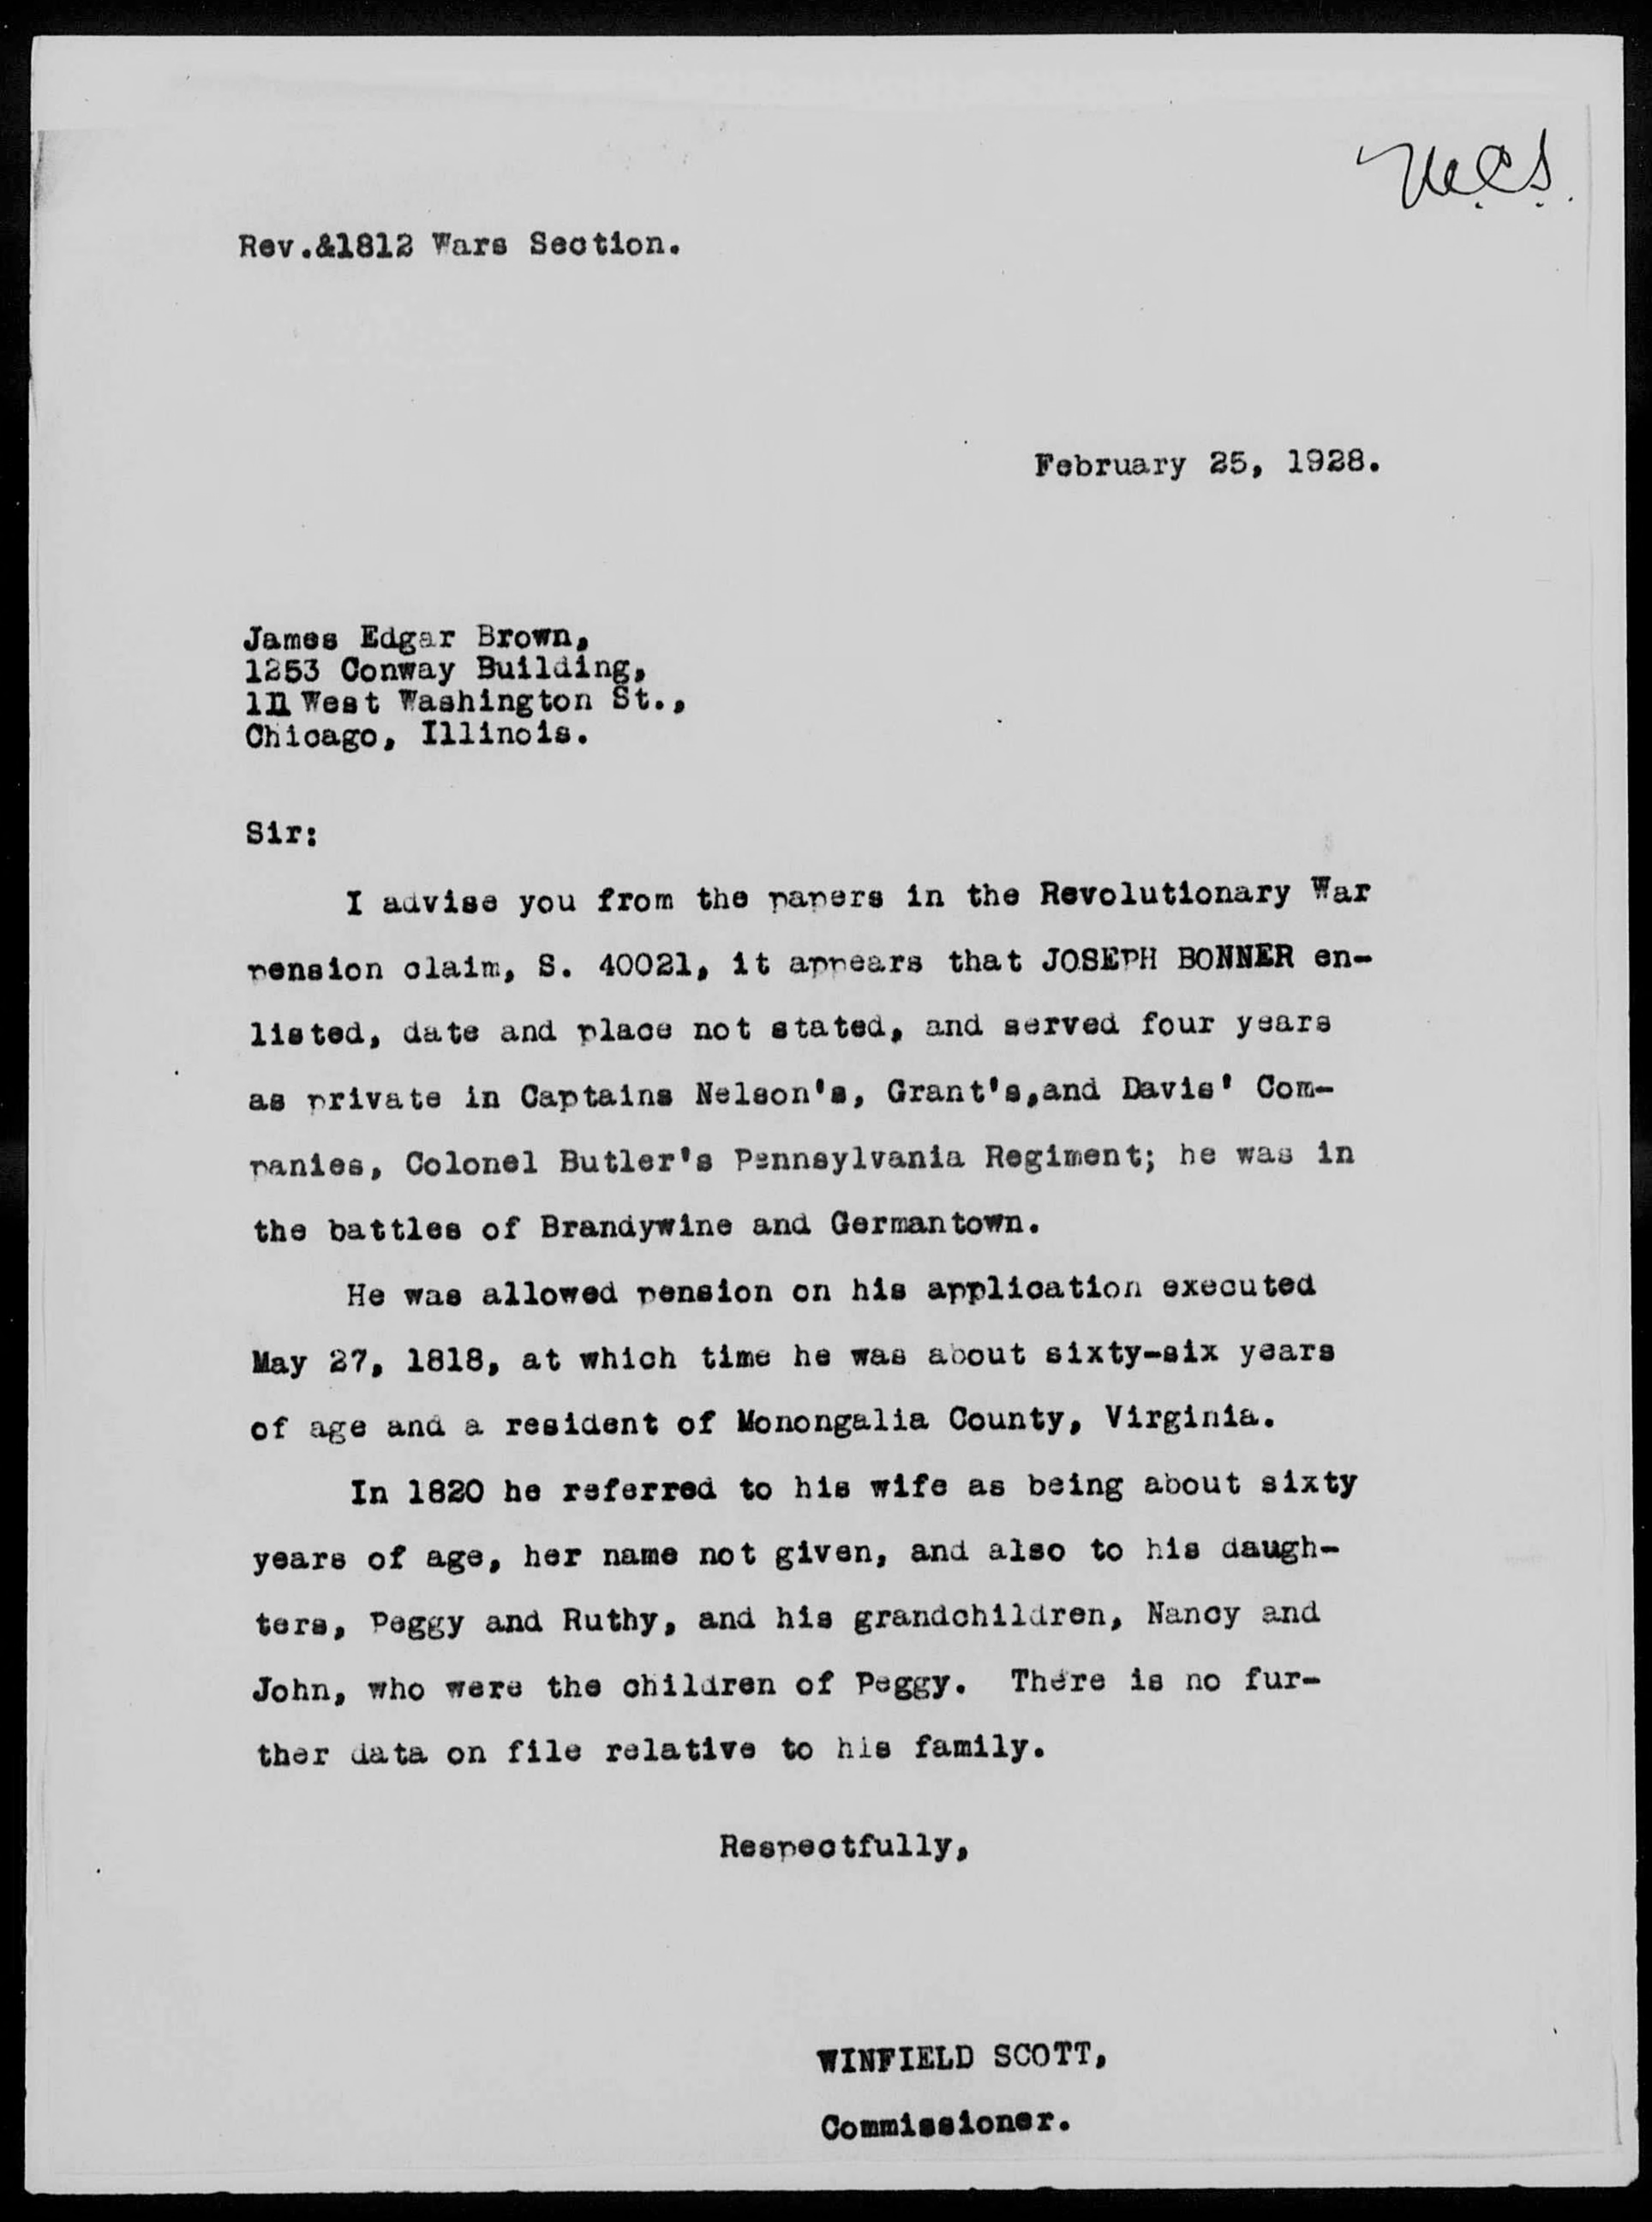Rev.&1812 Wars Section.
W.C.S.
February 25, 1928.

James Edgar Brown,
1253 Conway Building,
in West Washington St.,
Chicago, Illinois.

Sir:

I advise you from the papers in the Revolutionary War pension claim, S. 40021, it appears that JOSEPH BONNER enlisted, date and place not stated, and served four years
as private in Captains Nelson's, Grant's, and Davis' Companies, Colonel Butler's Pennsylvania Regiment; he was in
the battles of Brandywine and Germantown.

He was allowed pension on his application executed May 27, 1818, at which time he was about sixty-six years of age and a resident of Monongalia County, Virginia.

In 1820 he referred to his wife as being about sixty years of age, her name not given, and also to his daughters, Peggy and Ruthy, and his grandchildren, Nancy and
John, who were the children of Peggy. There is no further data on file relative to his family.

Respectfully,
WINFIELD SCOTT,
Commissioner.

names: Ruthy, Winfield Scott, Peggy, James Edgar Brown, Peggy, Nancy, Joseph Bonner, John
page: 17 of 20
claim: survivor's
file: S. 40,021, Joseph Bonner, Penn.